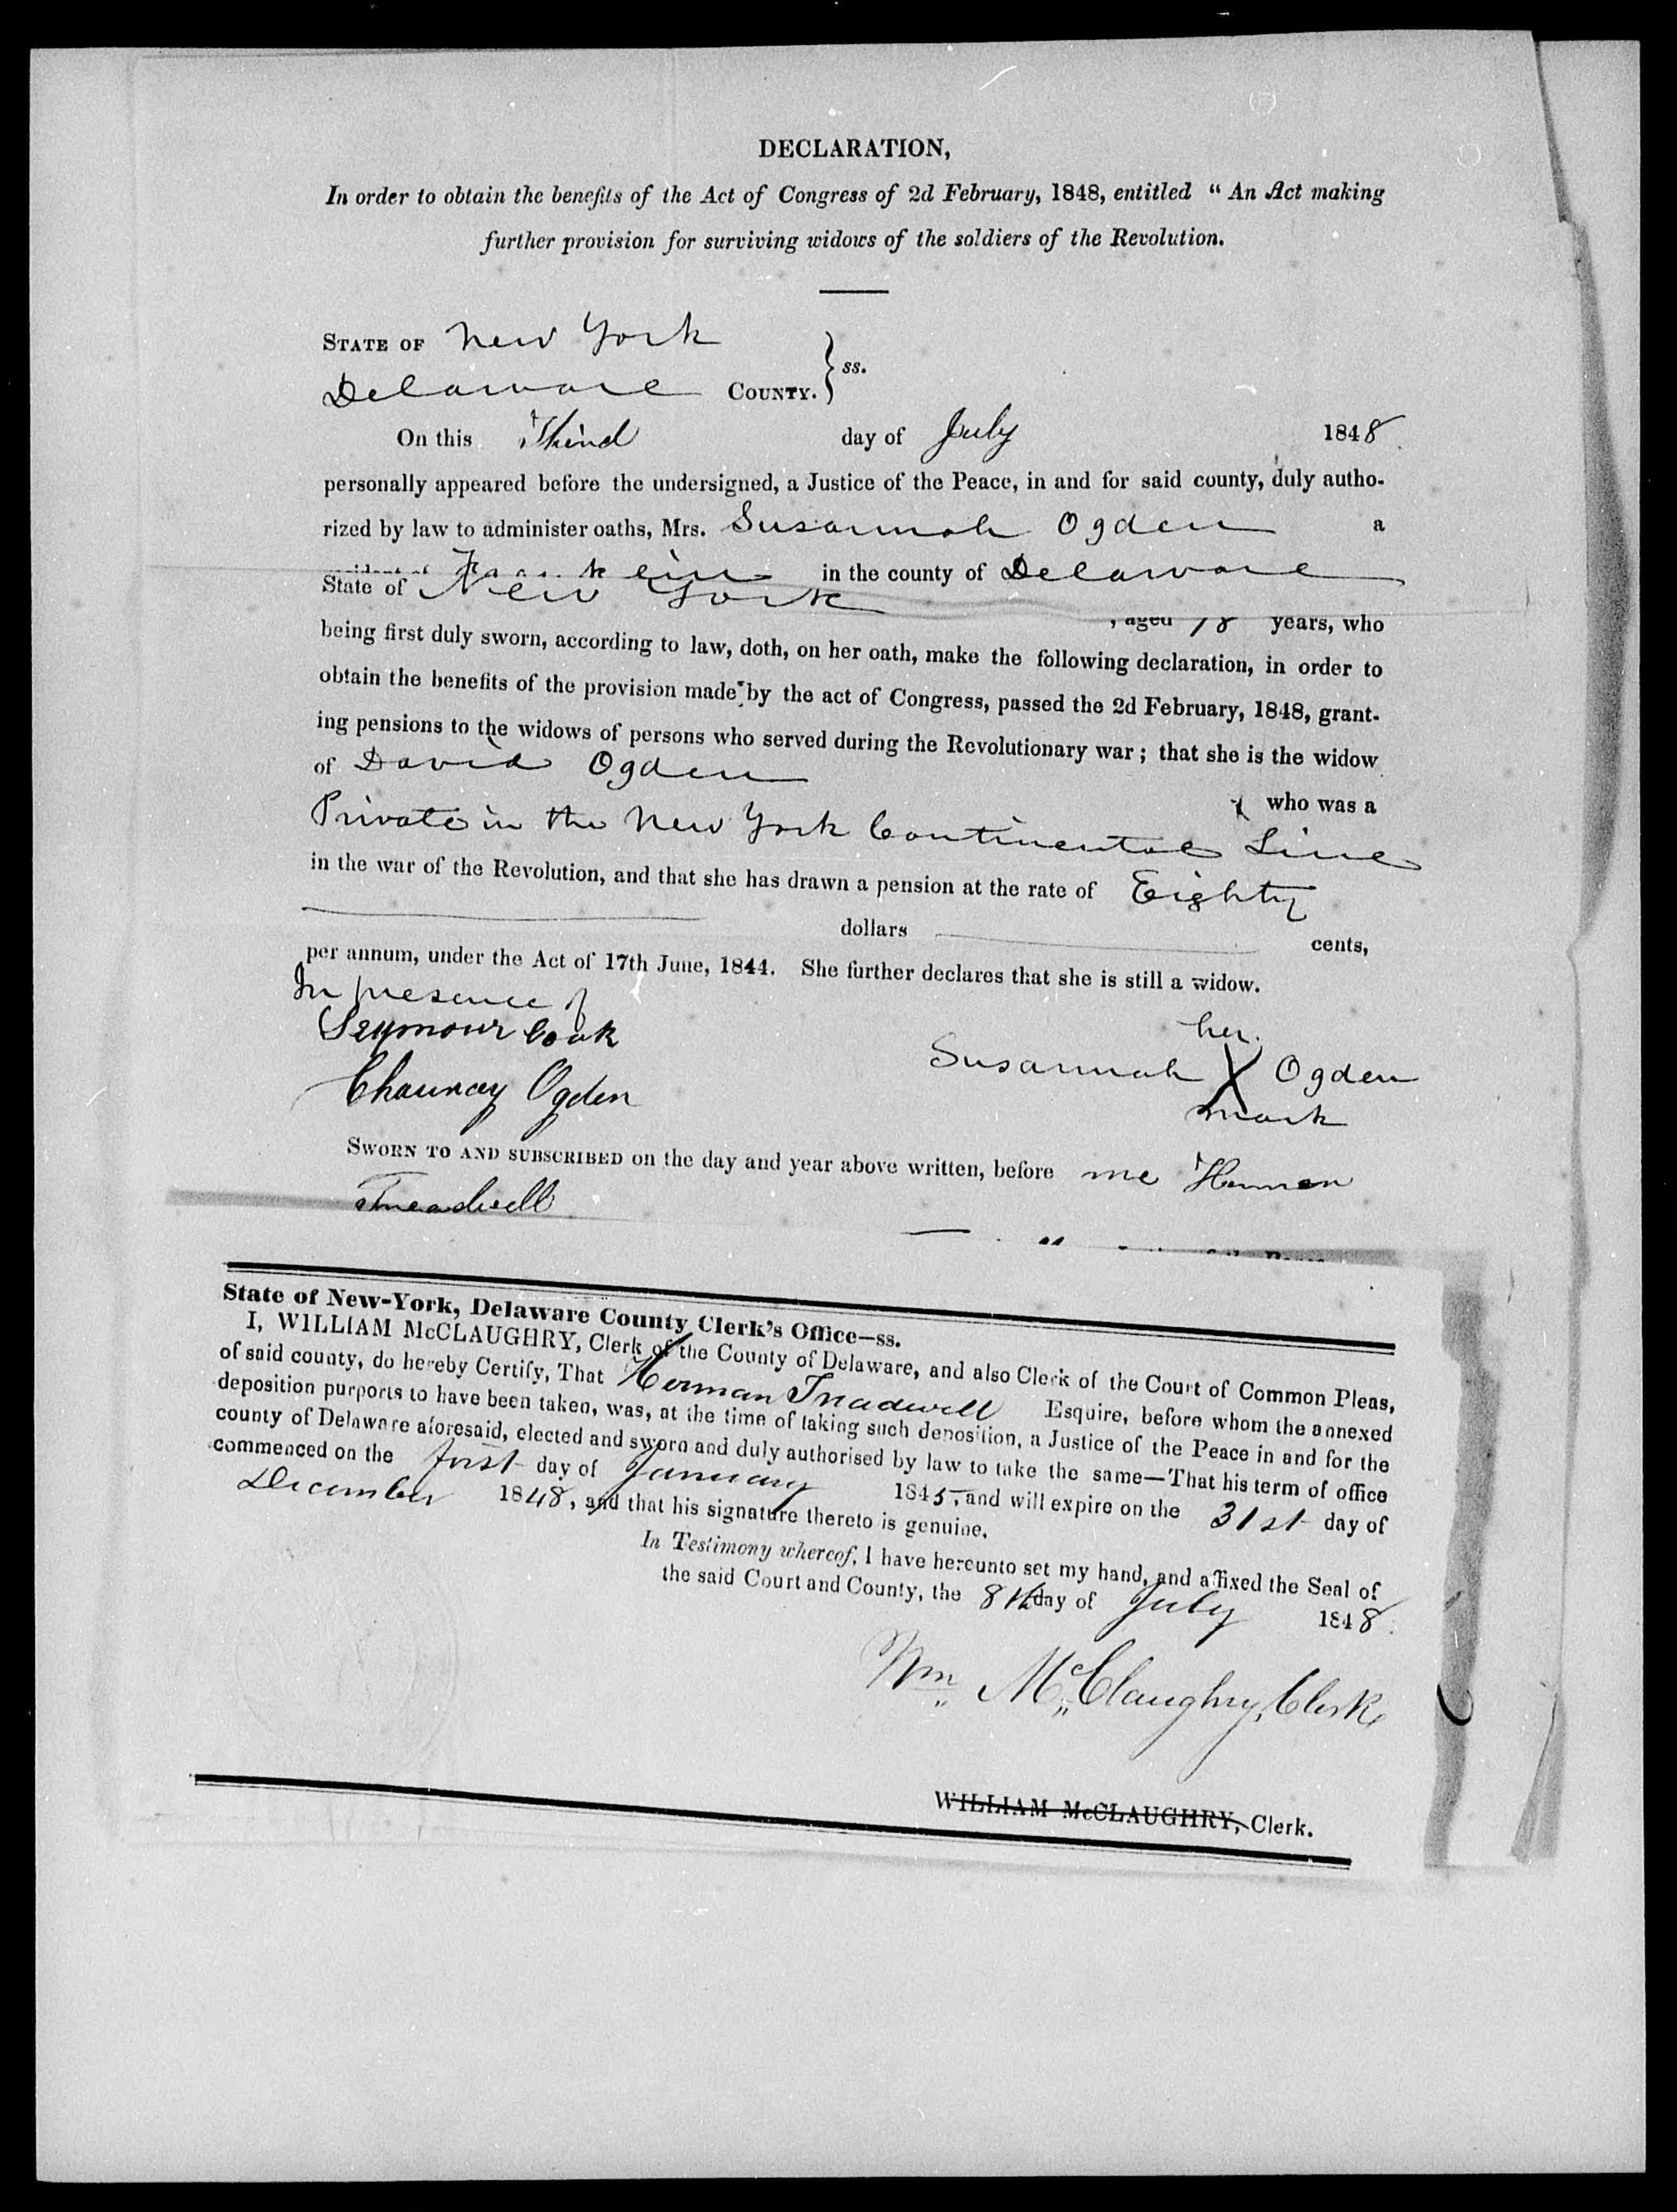DECLARATION,
In order to obtain the benefits of the Act of Congress of 2d February, 1848, entitled " An Act making
further provision for surviving widows of the soldiers of the Revolution.

STATE OF New York
Delaware COUNTY. ⎬ ss.

On this Third day of July 1848
personally appeared before the undersigned, a Justice of the Peace, in and for said county, duly authorized by law to administer oaths, Mrs. Susannah Ogden a
resident of Franklin in the county of Delaware
State of New York [illegible] aged 78 years, who
being first duly sworn, according to law, doth, on her oath, make the following declaration, in order to
obtain the benefits of the provision made by the act of Congress, passed the 2d February, 1848, granting 
pensions to the widows of persons who served during the Revolutionary war; that she is the widow
of David Ogden who was a Private in the New York Continental Line
in the war of the Revolution, and that she has drawn a pension at the rate of Eighty dollars --- cents,
per annum, under the Act of 17th June, 1844. She further declares that she is still a widow.
Susannah Ogden her mark [X]

In presence of
Seymour Cook
Chauncey Ogden

SWORN TO AND SUBSCRIBED on the day and year above written, before me 
Herman Treadwell

[written on a separate piece of paper:]
State of New-York, Delaware County Clerk's Offices
I, WILLIAM McCLAUGHRY, Clerk of the County of Delaware, and also Clerk of the Court of Common Pleas,
of said county, do hereby Certify, That Herman Treadwell Esquire, before whom the annexed 
deposition purports to have been taken, was, at the time of taking such deposition, a Justice of the Peace in and for the
county of Delaware aforesaid, elected and sworn and duly authorised by law to take the same -- that his term of office
commenced on the first day of January 1845, and will expire on the 31st day of
December 1848, and that his signature thereto is genuine.

In Testimony whereof, have hereunto set my hand, and affixed the Seal of
the said Court and County, the 8th day of July 1848.

[signature] Wm. McClaughry, Clerk
[crossed out: WILLIAM McCLAUGHRY, Clerk.]

[faint, round seal]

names: Chauncey Ogden; Susannah Ogden; Seymour Cook; David Ogden; Herman Treadwell; Wm Mc Claughry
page: 30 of 40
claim: widow's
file: W. 24364, for David Ogden, New York